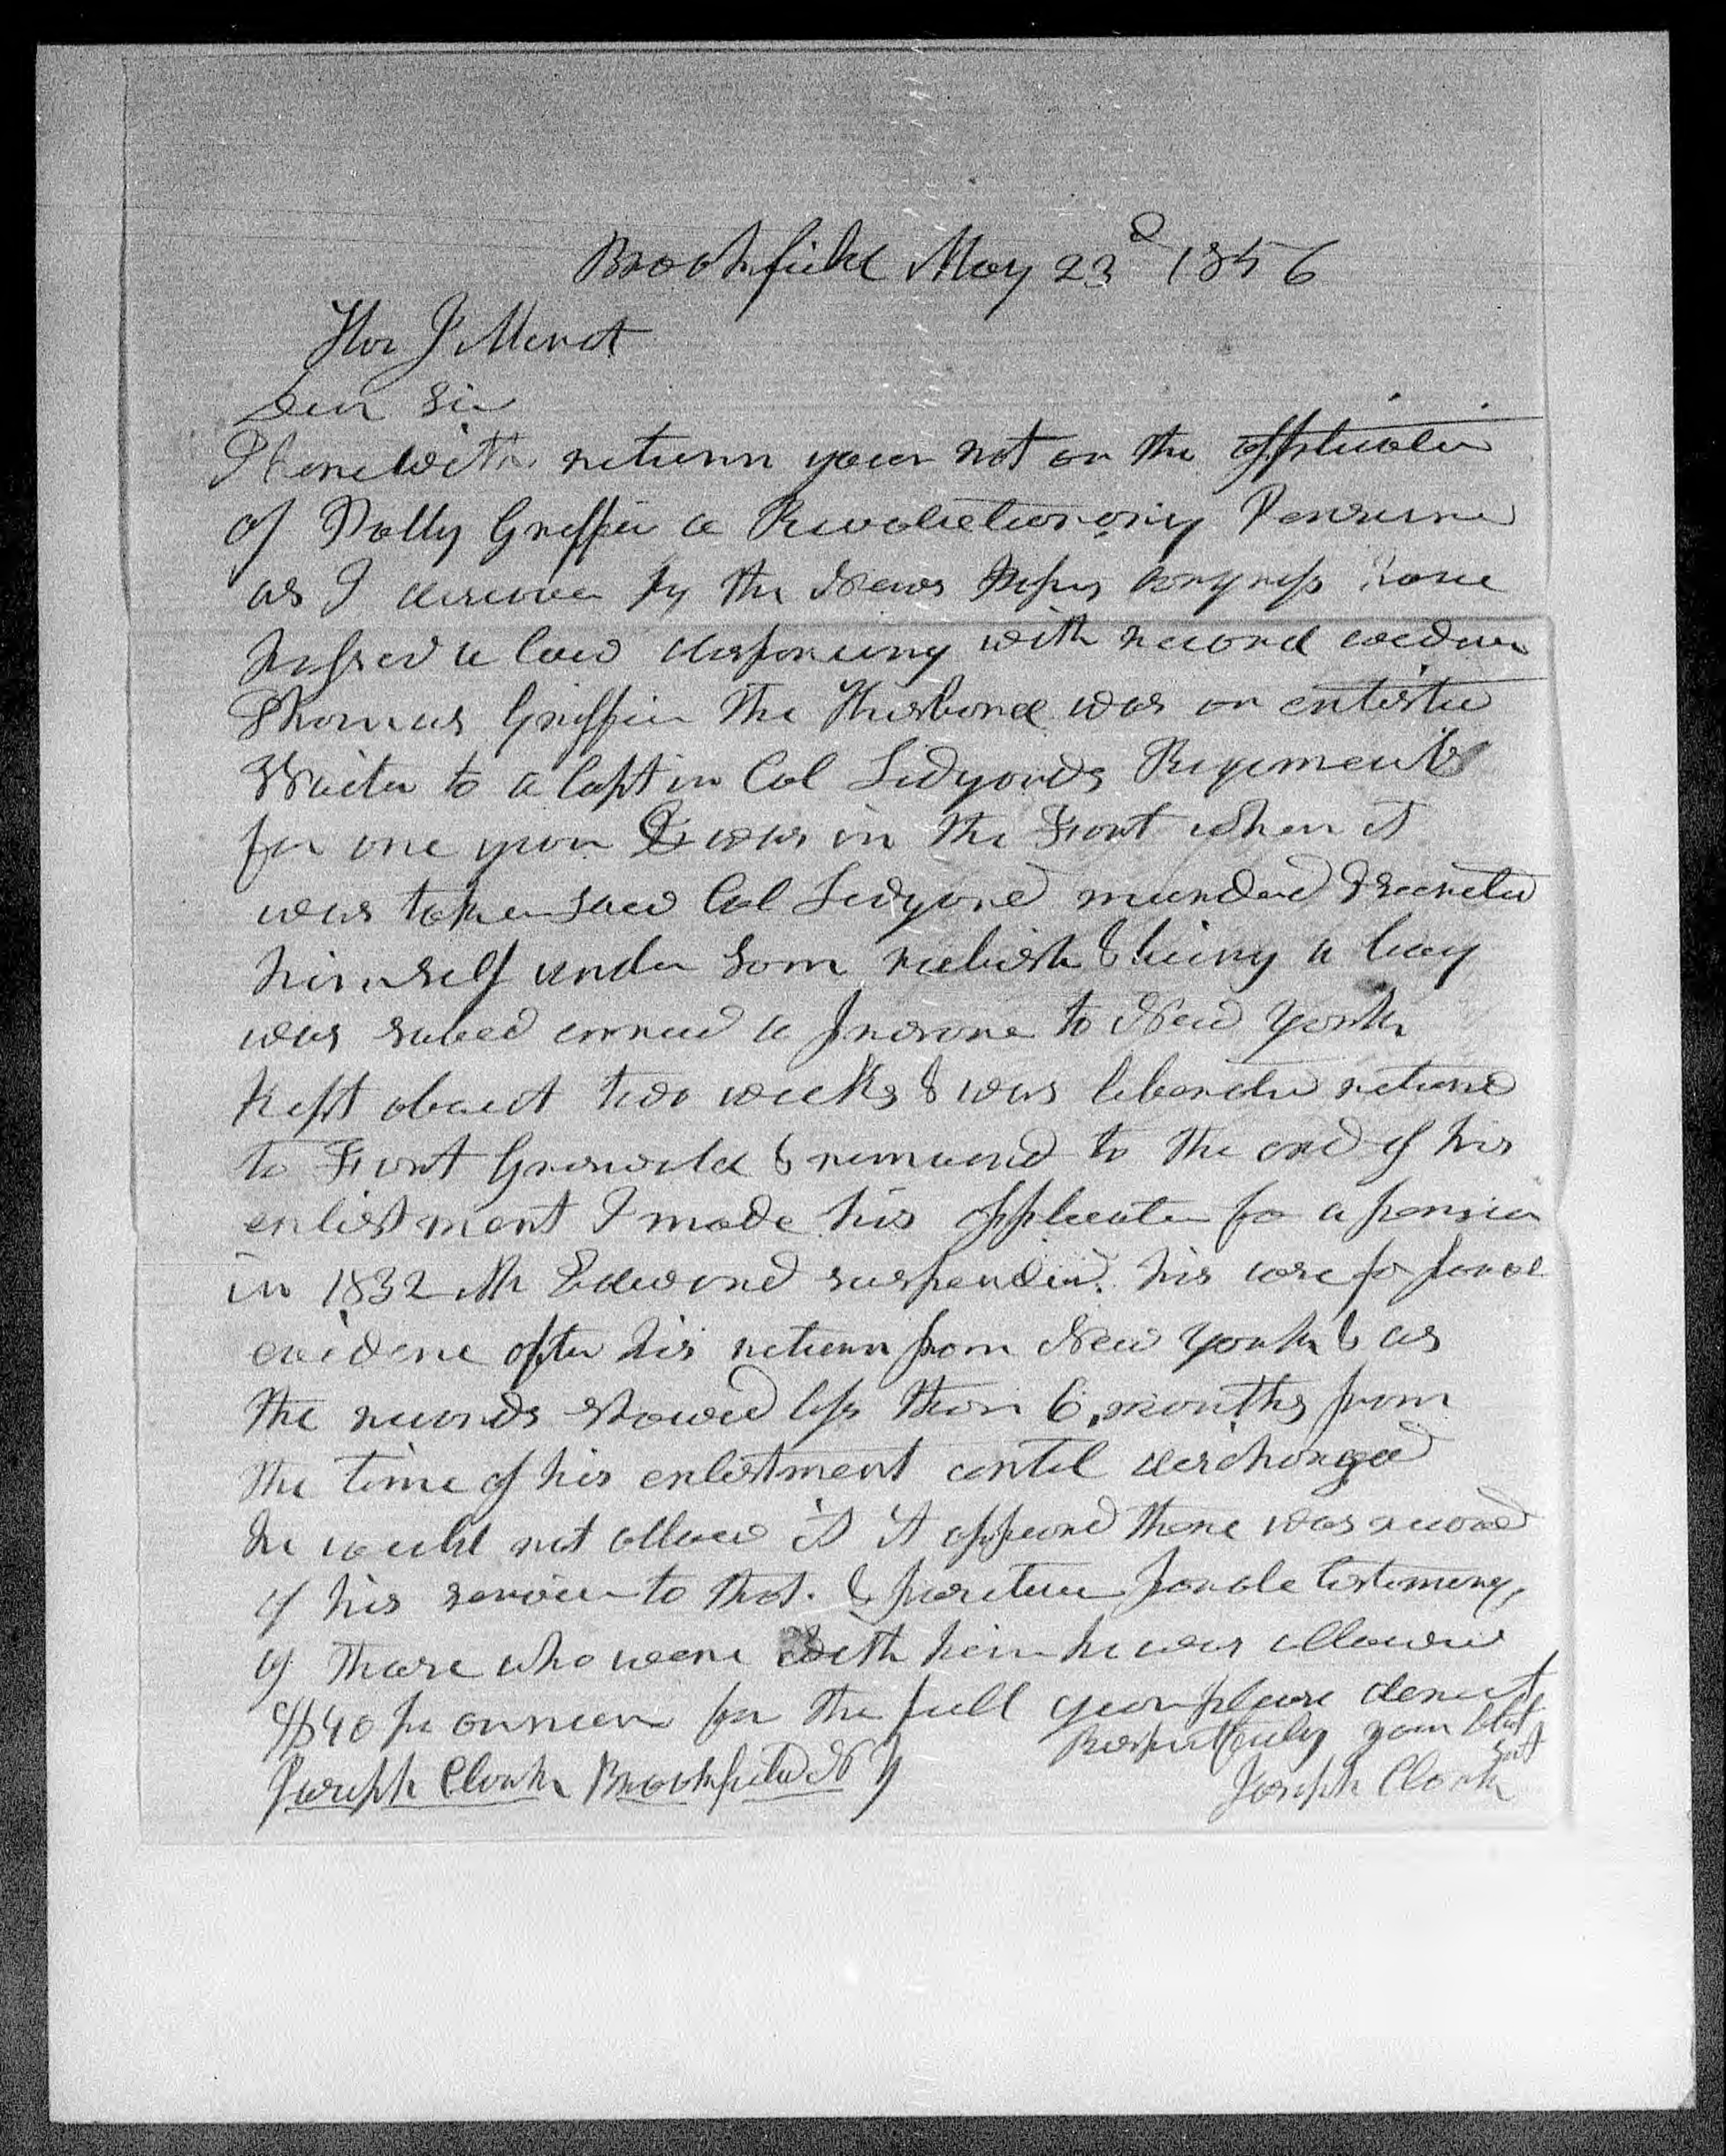Brookfield May 23d 1856
Hon J Minot
Dear Sir  I herewith return your not [note] on the application of Polly Griffin a Revolutionary Pensioner as I discover by the News papers Congress have passed a law [illegible] with record [illegible] Thomas Griffin. The Husband was an enlisted Waiter to a Capt in Col Ledyard’s Regiment for one year & was in the Fort when it was taken saw Col Ledyard murdered & secreted himself under som rubish & [illegible] to New York, kept about two weeks & was liberated, returned to Fort Griswold & remained to the end of his enlistment, I made his application for a pension in 1832, Mr Edward suspended his case for formal evidence after his return from New York, & as the records showed less than 6 months from the time of his enlistment until discharged, he would not allow it, it appeared there was record of his service to that, & [illegible] testimony by those who were with him, he was allowed $40 per annum for the full year
Please direct Joseph Clark Brookfield N Y
Respectfully your obt svt Joseph Clark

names: Thomas Griffin, Ledyone, Joseph Clork, J Minot, Polly Griffin, Joseph Clork, Edward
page: 37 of 60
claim: widow's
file: W. 19,537, Thomas Griffin, Conn.